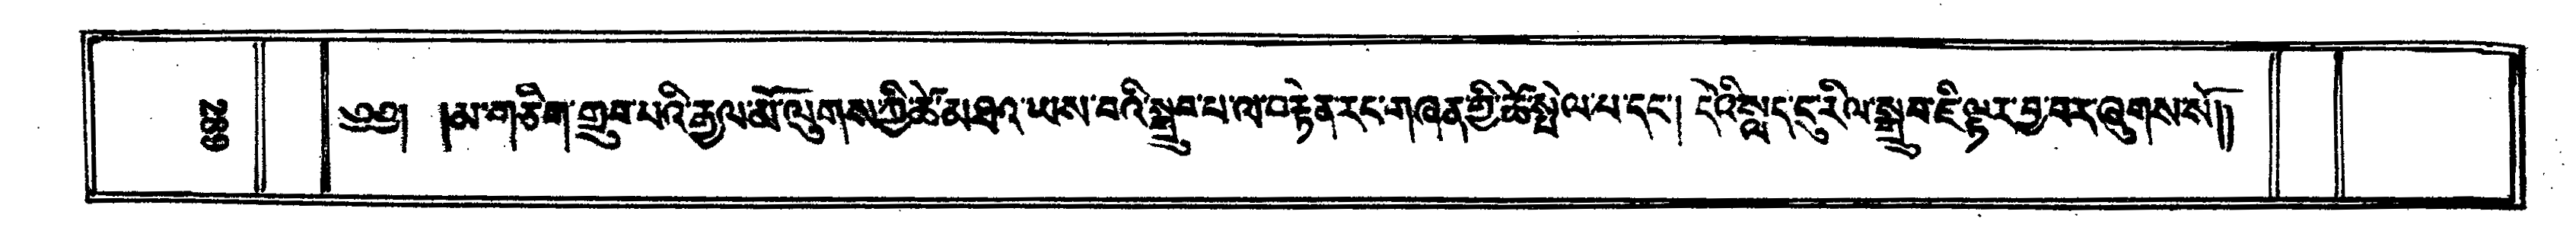༄༅། །མ་གཅིག་གྲུབ་པའི་རྒྱལ་མོ་ལུགས་ཀྱི་ཚེ་མཐའ་ཡས་པའི་སྒྲུབ་པ་ལ་བརྟེན་རང་གཞན་གྱི་ཚེ་སྤེལ་བ་དང་། དེའི་སླད་དུ་རིལ་སྒྲུབ་ཇི་ལྟར་བྱ་བ་བཞུགས་སོ།།